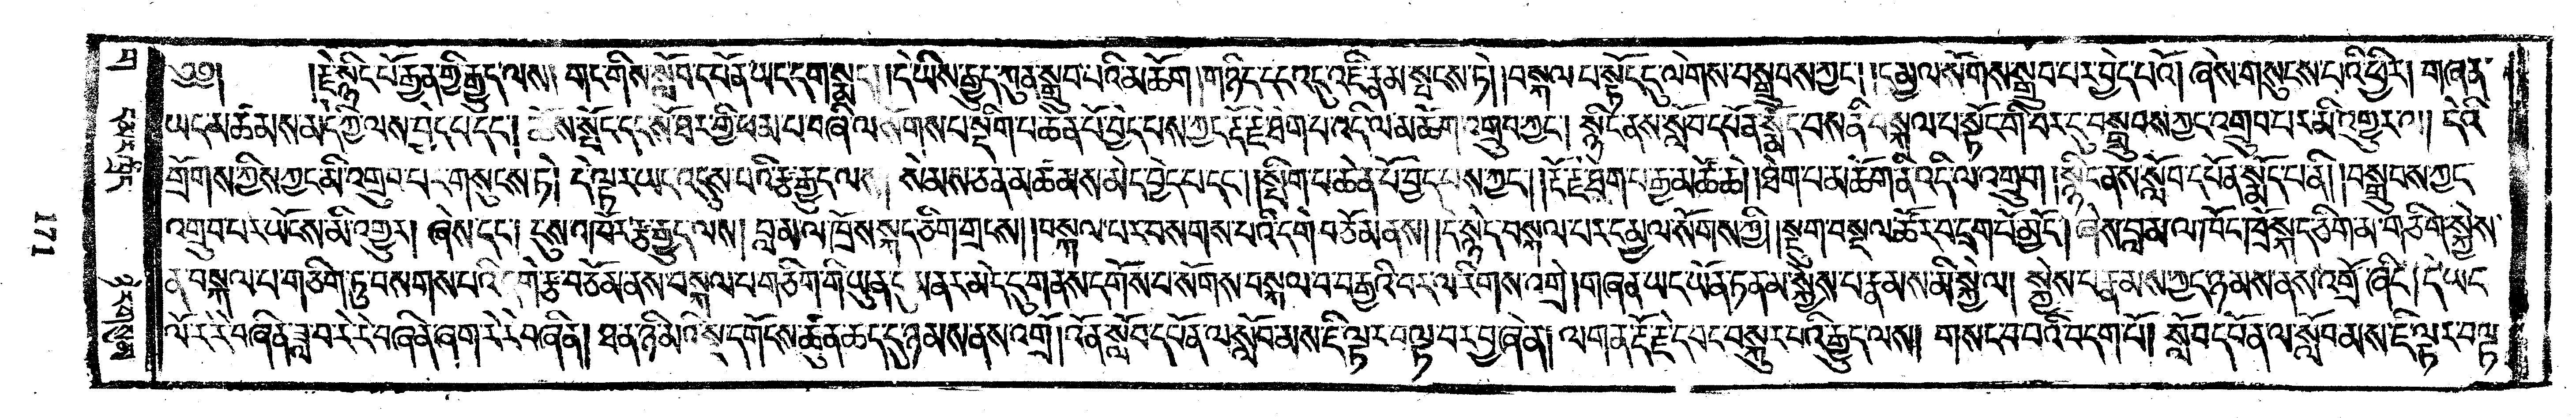༄༅། །རྗེ་སྙིང་པོ་རྒྱན་གྱི་རྒྱུད་ལས། གང་གིས་སློབ་དཔོན་ཡང་དག་སྨད། །དེ་ཡིས་རྒྱུད་ཀུན་སྒྲུབ་པའི་མཆོག །གཉིད་དང་འདུ་འཇི་རྣམ་སྤངས་ཏེ། །བསྐལ་པ་སྟོང་དུ་ལེགས་བསྒྲུབས་ཀྱང་། །དམྱལ་སོགས་སྒྲུབ་པར་བྱེད་པའོ། ཞེས་གསུངས་པའི་ཕྱིར། གཞན་
ཡང་མཚམས་མེད་ཀྱི་ལས་བྱེད་པ་དང་། ཆོས་སྤོང་དང་སོ་ཐར་གྱི་ཕམ་པ་བཞི་ལ་སོགས་པ་སྡིག་པ་ཆེན་པོ་བྱེད་པས་ཀྱང་རྡོ་རྗེ་ཐེག་པ་འདི་ལ་མཆོག་འགྲུབ་ཀྱང་། སྙིང་ནས་སློབ་དཔོན་སྨོད་བས་ནི་བསྐལ་པ་སྟོང་གི་བར་དུ་བསྒྲུབས་ཀྱང་འགྲུབ་པར་མི་འགྱུར་ལ། དེའི་
གྲོགས་ཀྱིས་ཀྱང་མི་འགྲུབ་པར་གསུངས་ཏེ། དེ་ལྟར་ཡང་འདུས་པའི་རྩ་རྒྱུད་ལས། སེམས་ཅན་མཚམས་མེད་བྱེད་པ་དང་། །སྤིག་པ་ཆེན་པོ་བྱེད་པས་ཀྱང་། །རྡོ་རྗེ་ཐེག་པ་རྒྱ་མཚོ་ཆེ། །ཐེག་པ་མཆོག་ནི་འདི་ལ་འགྲུབ། །སྙིང་ནས་སློབ་དཔོན་སྨོད་པ་ནི། །བསྒྲུབས་ཀྱང་
འགྲུབ་པར་ཡོངས་མི་འགྱུར། ཞེས་དང་། དུས་འཁོར་རྩ་རྒྱུད་ལས། བླ་མ་ལ་ཁྲོས་སྐད་ཅིག་གྲངས། །བསྐལ་པར་བསགས་པའི་དགེ་བཅོམ་ནས། །དེ་སྙེད་བསྐལ་པར་དམྱལ་སོགས་ཀྱི། །སྡུག་བསྔལ་ཚོར་བ་དྲག་པོ་མྱོང་། ཞེས་བླ་མ་ལ་ཁོང་ཁྲོ་སྐད་ཅིག་མ་གཅིག་སྐྱེས་
ན་བསྐལ་པ་གཅིག་ཏུ་བསགས་པའི་དགེ་རྩ་བཅོམ་ནས་བསྐལ་པ་གཅིག་གི་ཡུན་དུ་མནར་མེད་དུ་གནས་དགོས་པ་སོགས་བསྐལ་བ་བརྒྱའི་བར་ལ་རིགས་འགྲེ། གཞན་ཡང་ཡོན་ཏན་མ་སྐྱེས་པ་རྣམས་མི་སྐྱེ་ལ། སྐྱེས་པ་རྣམས་ཀྱང་ཉམས་ནས་འགྲོ་ཞིང་། དེ་ཡང་
ལོ་རེ་རེ་བཞིན་ཟླ་བ་རེ་རེ་བཞིན་ཞག་རེ་རེ་བཞིན། ཐ་ན་ཉི་མའི་སྔ་དགོངས་ཚུན་ཆད་དུ་ཉམས་ནས་འགྲོ། འོན་སློབ་དཔོན་ལ་སློབ་མས་ཇི་ལྟར་བལྟ་བར་བྱ་ཞེ་ན། ལག་ན་རྡོ་རྗེ་དབང་བསྐུར་པའི་རྒྱུད་ལས། གསང་བ་བའི་བདག་པོ། སློབ་དཔོན་ལ་སློབ་མས་ཇི་ལྟར་བལྟ་